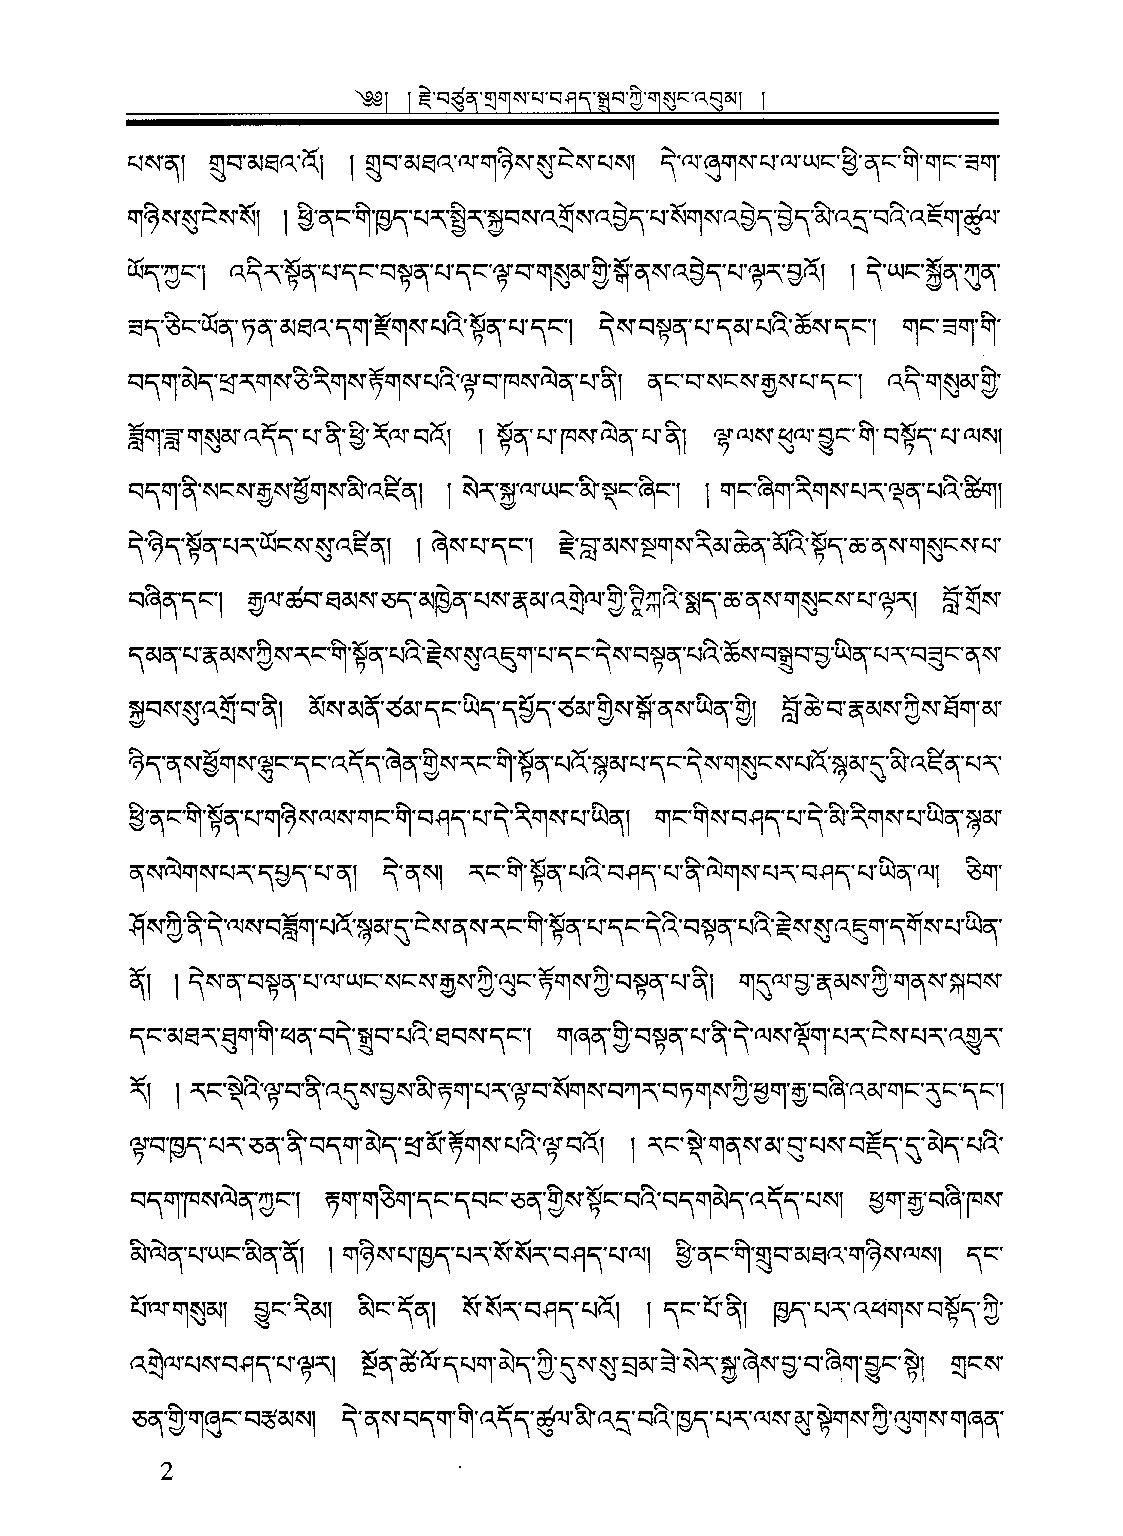པས་ན། གྲུབ་མཐའ་འོ། །གྲུབ་མཐའ་ལ་གཉིས་སུ་ངེས་པས། དེ་ལ་ཞུགས་པ་ལ་ཡང་ཕྱི་ནང་གི་གང་ཟག་
གཉིས་སུ་ངེས་སོ། །ཕྱི་ནང་གི་ཁྱད་པར་སྤྱིར་སྐྱབས་འགྲོས་འབྱེད་པ་སོགས་འབྱེད་བྱེད་མི་འདྲ་བའི་འཇོག་ཚུལ་
ཡོད་ཀྱང་། འདིར་སྟོན་པ་དང་བསྟན་པ་དང་ལྟ་བ་གསུམ་གྱི་སྒོ་ནས་འབྱེད་པ་ལྟར་བྱའོ། །དེ་ཡང་སྐྱོན་ཀུན་
ཟད་ཅིང་ཡོན་ཏན་མཐའ་དག་རྫོགས་པའི་སྟོན་པ་དང་། དེས་བསྟན་པ་དམ་པའི་ཆོས་དང་། གང་ཟག་གི་
བདག་མེད་ཕྲ་རགས་ཅི་རིགས་རྟོགས་པའི་ལྟ་བ་ཁས་ལེན་པ་ནི། ནང་པ་སངས་རྒྱས་པ་དང་། འདི་གསུམ་གྱི་
ཟློག་ཟླ་གསུམ་འདོད་པ་ནི་ཕྱི་རོལ་པའོ། །སྟོན་པ་ཁས་ལེན་པ་ནི། ལྷ་ལས་ཕུལ་བྱུང་གི་བསྟོད་པ་ལས།
བདག་ནི་སངས་རྒྱས་ཕྱོགས་མི་འཛིན། །སེར་སྐྱ་ལ་ཡང་མི་སྡང་ཞིང་། །གང་ཞིག་རིགས་པར་ལྡན་པའི་ཚིག།
དེ་ཉིད་སྟོན་པར་ཡོངས་སུ་འཛིན། །ཞེས་པ་དང་། རྗེ་བླ་མས་སྔགས་རིམ་ཆེན་མོའི་སྟོད་ཆ་ནས་གསུངས་པ་
བཞིན་དང་། རྒྱལ་ཚབ་ཐམས་ཅད་མཁྱེན་པས་རྣམ་འགྲེལ་གྱི་ཊཱིཀྐའི་སྨད་ཆ་ནས་གསུངས་པ་ལྟར། བློ་གྲོས་
དམན་པ་རྣམས་ཀྱིས་རང་གི་སྟོན་པའི་རྗེས་སུ་འཇུག་པ་དང་དེས་བསྟན་པའི་ཆོས་བསྒྲུབ་བྱ་ཡིན་པར་བཟུང་ནས་
སྐྱབས་སུ་འགྲོ་བ་ནི། མོས་མནོ་ཙམ་དང་ཡིད་དཔྱོད་ཙམ་གྱིས་སྒོ་ནས་ཡིན་གྱི། བློ་ཆེ་བ་རྣམས་ཀྱིས་ཐོག་མ་
ཉིད་ནས་ཕྱོགས་ལྷུང་དང་འདོད་ཞེན་གྱིས་རང་གི་སྟོན་པའོ་སྙམ་པ་དང་དེས་གསུངས་པའོ་སྙམ་དུ་མི་འཛིན་པར་
ཕྱི་ནང་གི་སྟོན་པ་གཉིས་ལས་གང་གི་བཤད་པ་དེ་རིགས་པ་ཡིན། གང་གིས་བཤད་པ་དེ་མི་རིགས་པ་ཡིན་སྙམ་
ནས་ལེགས་པར་དཔྱད་པ་ན། དེ་ནས། རང་གི་སྟོན་པའི་བཤད་པ་ནི་ལེགས་པར་བཤད་པ་ཡིན་ལ། ཅིག་
ཤོས་ཀྱི་ནི་དེ་ལས་བཟློག་པའོ་སྙམ་དུ་ངེས་ནས་རང་གི་སྟོན་པ་དང་དེའི་བསྟན་པའི་རྗེས་སུ་འཇུག་དགོས་པ་ཡིན་
ནོ། །དེས་ན་བསྟན་པ་ལ་ཡང་སངས་རྒྱས་ཀྱི་ལུང་རྟོགས་ཀྱི་བསྟན་པ་ནི། གདུལ་བྱ་རྣམས་ཀྱི་གནས་སྐབས་
དང་མཐར་ཐུག་གི་ཕན་བདེ་སྒྲུབ་པའི་ཐབས་དང་། གཞན་གྱི་བསྟན་པ་ནི་དེ་ལས་ལྡོག་པར་ངེས་པར་འགྱུར་
རོ། །རང་སྡེའི་ལྟ་བ་ནི་འདུས་བྱས་མི་རྟག་པར་ལྟ་བ་སོགས་བཀར་བཏགས་ཀྱི་ཕྱག་རྒྱ་བཞི་འམ་གང་རུང་དང་།
ལྟ་བ་ཁྱད་པར་ཅན་ནི་བདག་མེད་ཕྲ་མོ་རྟོགས་པའི་ལྟ་བའོ། །རང་སྡེ་གནས་མ་བུ་པས་བརྗོད་དུ་མེད་པའི་
བདག་ཁས་ལེན་ཀྱང་། རྟག་གཅིག་དང་དབང་ཅན་གྱིས་སྟོང་བའི་བདག་མེད་འདོད་པས། ཕྱག་རྒྱ་བཞི་ཁས་
མི་ལེན་པ་ཡང་མིན་ནོ། །གཉིས་པ་ཁྱད་པར་སོ་སོར་བཤད་པ་ལ། ཕྱི་ནང་གི་གྲུབ་མཐའ་གཉིས་ལས། དང་
པོ་ལ་གསུམ། བྱུང་རིམ། མིང་དོན། སོ་སོར་བཤད་པའོ། །དང་པོ་ནི། ཁྱད་པར་འཕགས་བསྟོད་ཀྱི་
འགྲེལ་པས་བཤད་པ་ལྟར། སྔོན་ཚེ་ལོ་དཔག་མེད་ཀྱི་དུས་སུ་བྲམ་ཟེ་སེར་སྐྱ་ཞེས་བྱ་བ་ཞིག་བྱུང་སྟེ། གྲངས་
ཅན་གྱི་གཞུང་བརྩམས། དེ་ནས་བདག་གི་འདོད་ཚུལ་མི་འདྲ་བའི་ཁྱད་པར་ལས་མུ་སྟེགས་ཀྱི་ལུགས་གཞན་